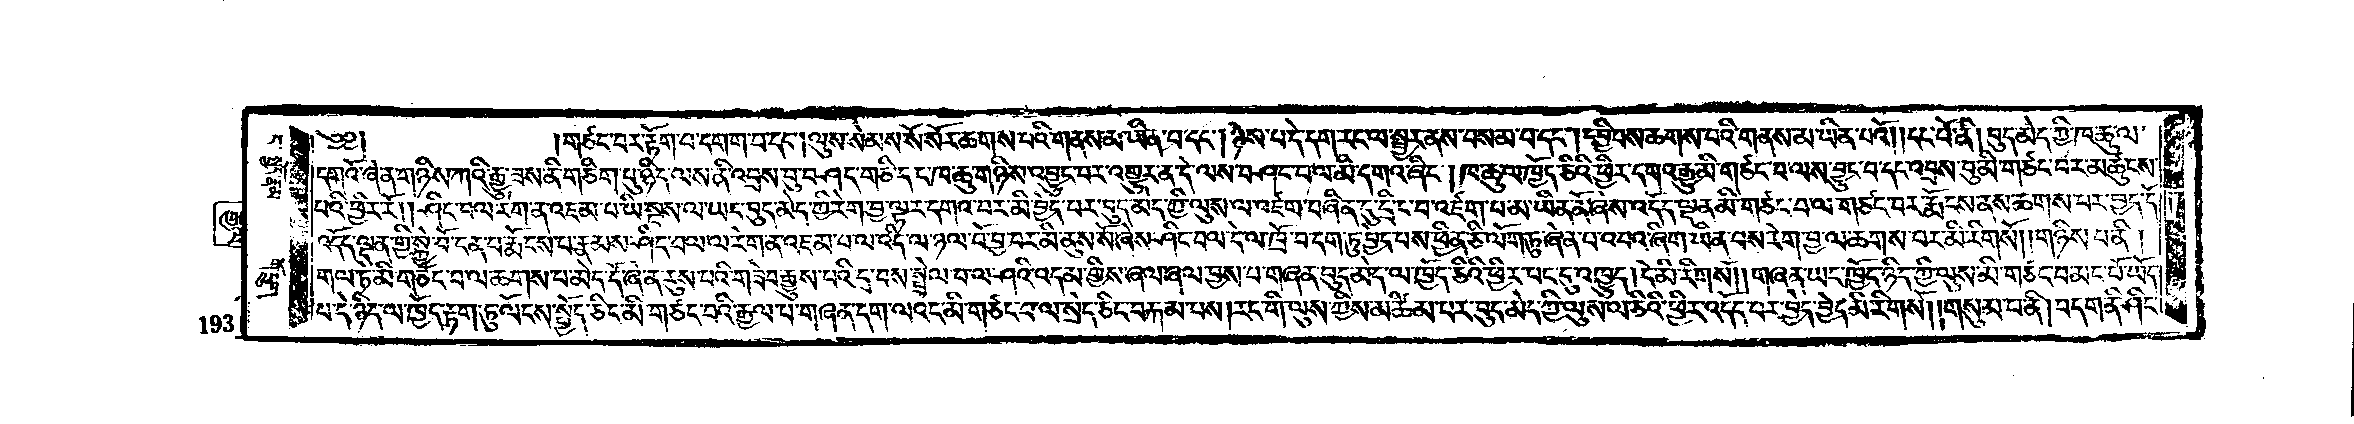༄༅། །གཙང་བར་རྟོག་པ་དགག་པ་དང་། ལུས་སེམས་སོ་སོར་ཆགས་པའི་གནས་མ་ཡིན་པ་དང་། ཉེས་པ་དེ་དག་རང་ལ་སྦྱར་ནས་བསམ་པ་དང་། དབྱིབས་ཆགས་པའི་གནས་མ་ཡིན་པའོ། །དང་པོ་ནི། བུད་མེད་ཀྱི་ཁ་ཆུ་ལ་
དགའོ་ཞེ་ན་གཉིས་ཀའི་རྒྱུ་ཟས་ནི་གཅིག་པུ་ཉིད་ལས་ནི་འབྲས་བུ་བཤད་གཅི་དང་།ཁ་ཆུ་གཉིས་འབྱུང་བར་འགྱུར་ན་དེ་ལས་བཤད་པ་ལ་མི་དགའ་ཞིང་། ཁ་ཆུ་ལ་ཁྱོད་ཅིའི་ཕྱིར་དགའ་རྒྱུ་མི་གཙང་བ་ལས་བྱུང་བ་དང་འབྲས་བུ་མི་གཙང་བར་མཚུངས་
པའི་ཕྱིར་རོ། །ཤིང་བལ་རེག་ན་འཇམ་པ་ཡི་སྔས་ལ་ཡང་བུད་མེད་ཀྱི་རེག་བྱ་ལྟར་དགའ་བར་མི་བྱེད་པར་བུད་མེད་ཀྱི་ལུས་ལ་འཛག་བཞིན་དུ་དྲི་ང་བ་འཛག་པ་མ་ཡིན་ནོ་ཞེས་འདོད་ལྡན་མི་གཙང་བ་ལ་གཙང་བར་རྨོངས་ནས་ཆགས་པར་བྱད་དོ། །
འདོད་ལྡན་གྱི་སྐྱེ་བོ་ངན་པ་རྨོངས་པ་རྣམས་ཤིང་བལ་ལ་རེག་ན་འཇམ་པ་ལ་འདི་ལ་ཉལ་པོ་བྱ་བར་མི་ནུས་སོ་ཞེས་ཤིང་བལ་དེ་ལ་ཁྲོ་བ་དག་ཏུ་བྱེད་པས་ཕྱིན་ཅི་ལོག་ཏུ་ཞེན་པ་འབའ་ཞིག་ཡིན་པས་རེག་བྱ་ལ་ཆགས་པར་མི་རིགས་སོ། །གཉིས་པ་ནི།
གལ་ཏེ་མི་གཙོང་བ་ལ་ཆགས་པ་མེད་དོ་ཞེ་ན་རུས་པའི་གཟེབ་རྒྱུས་པའི་དྲ་བས་སྤྲེལ་པ་ལ་ཤའི་འདམ་གྱིས་ཞལ་ཞལ་བྱས་པ་གཞན་བུད་མེད་ལ་ཁྱོད་ཅིའི་ཕྱིར་བང་དུ་འཁྱུད། དེ་མི་རིགས་སོ། །གཞན་ཡང་ཁྱོད་ཉིད་ཀྱི་ལུས་མི་གཙང་བ་མང་པོ་ཡོད་
པ་དེ་ཉིད་ལ་ཁྱོད་རྟག་ཏུ་ལོངས་སྤྱོད་ཅིང་མི་གཙང་བའི་རྒྱལ་བ་གཞན་དག་ལའང་མི་གཙང་བ་ལ་སྲེད་ཅིང་བརྐམ་པས། རང་གི་ལུས་ཀྱིས་མཚིམ་པར་བུད་མེད་ཀྱི་ལུས་ལ་ཅིའི་ཕྱིར་འདོད་པར་བྱེད་བྱེད་མི་རིགས་སོ། །གསུམ་པ་ནི། བདག་ནི་ཤིང་